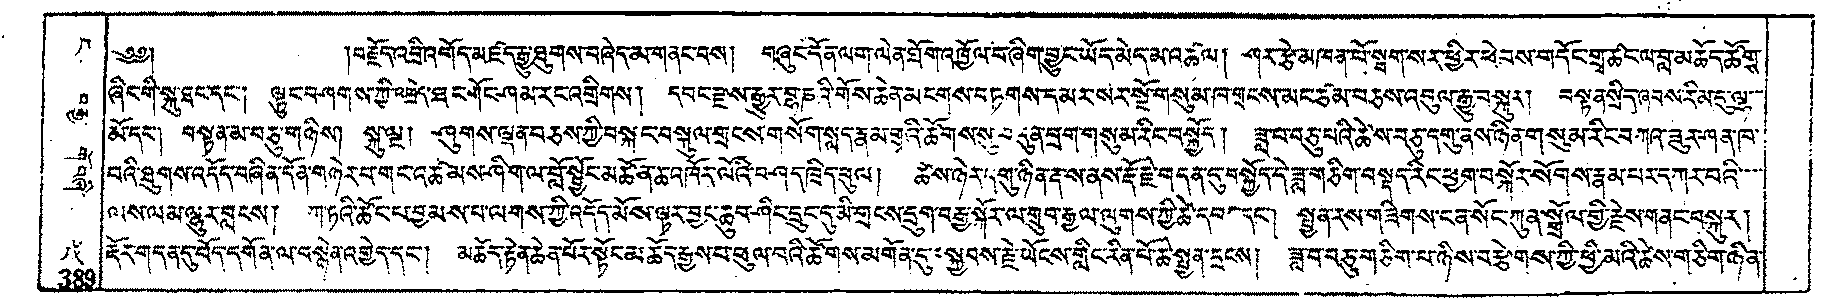༄༅། །བརྗོད་འབྲི་འགོད་མཛད་རྒྱུ་ཐུགས་བཞེད་མ་གནང་བས། གཞུང་དོན་ལག་ལེན་ཐོག་འཁྱོལ་བ་ཞིག་བྱུང་ཡོད་མེད་མ་འཚལ། ཤར་རྩེ་མཁན་པོ་སྦག་སར་ཕྱིར་ཕེབས་གདོང་གྲྭ་ཚང་ལ་བླ་མཆོད་ཚོགས་
ཞིང་གི་སྐུ་ཐང་དང་། ལྟུང་བཤགས་ཀྱི་འཕྲེད་ཐང་གོང་ཤམ་རང་འགྲིགས། དབང་རྫས་རྒྱུར་བྷ་ཎའི་གོས་ཆེན་མངགས་བཏགས་དམར་སར་སྔོ་གསུམ་ཁ་གྲངས་མང་ཙམ་བཅས་འབུལ་རྒྱུ་བསྐུར། བསྟན་སྲིད་ཞབས་རིམ་དུ་ལྷ་
མོ་དང་། བསྟན་མ་བཅུ་གཉིས། སྐུ་ལྔ། ཤུགས་ལྡན་བཅས་ཀྱི་བསྐང་བསྐུལ་གྲངས་གསོག་སླད་རྣམ་གྲྭའི་ཚོགས་སུ་བདུན་ཕྲག་གསུམ་རིང་བསྐྱོད། ཟླ་བ་བཅུ་པའི་ཚེས་བཅུ་དགུ་ནས་ཉིན་གསུམ་རིང་བཀའ་ཟུར་ཤན་ཁ་
བའི་ཐུགས་འདོད་བཞིན་དོན་གཉེར་བ་གང་འཚམས་ཤིག་ལ་བློ་སྦྱོང་མཚོན་ཆ་འཁོར་ལོའི་བཤད་ཁྲིད་ཕུལ། ཚེས་ཉེར་དགུ་ཉིན་རྡ་ས་ནས་རྡོ་རྗེ་གདན་དུ་བསྐྱོད་དེ་ཟླ་གཅིག་བསྡད་རིང་ཕྱག་བསྐོར་སོགས་རྣམ་པར་དཀར་བའི་
ལས་ལམ་ལྷུར་བླངས། ཀ་ཏའི་ཚོང་པ་བྱམས་པ་ལགས་ཀྱི་འདོད་མོས་ལྟར་བྱང་ཆུབ་ཤིང་དྲུང་དུ་མི་གྲངས་དྲུག་བརྒྱ་སྐོར་ལ་གྲུབ་རྒྱལ་ལུགས་ཀྱི་ཚེ་དབང་དང་། སྤྱན་རས་གཟིགས་ངན་སོང་ཀུན་སྒྲོལ་གྱི་རྗེས་གནང་བསྐུར།
རྡོར་གདན་དུ་བོད་དགོན་ལ་བསྙེན་འགྱེད་དང་། མཆོད་རྟེན་ཆེན་པོར་སྟོང་མཆོད་རྒྱས་པ་ཕུལ་བའི་ཚོགས་མགོན་དུ་༧སྐྱབས་རྗེ་ཡོངས་གླིང་རིན་པོ་ཆེ་སྤྱན་དྲངས། ཟླ་བ་བཅུ་གཅིག་པ་ཉིས་བརྩེགས་ཀྱི་ཕྱི་མའི་ཚེས་གཅིག་ཉིན་